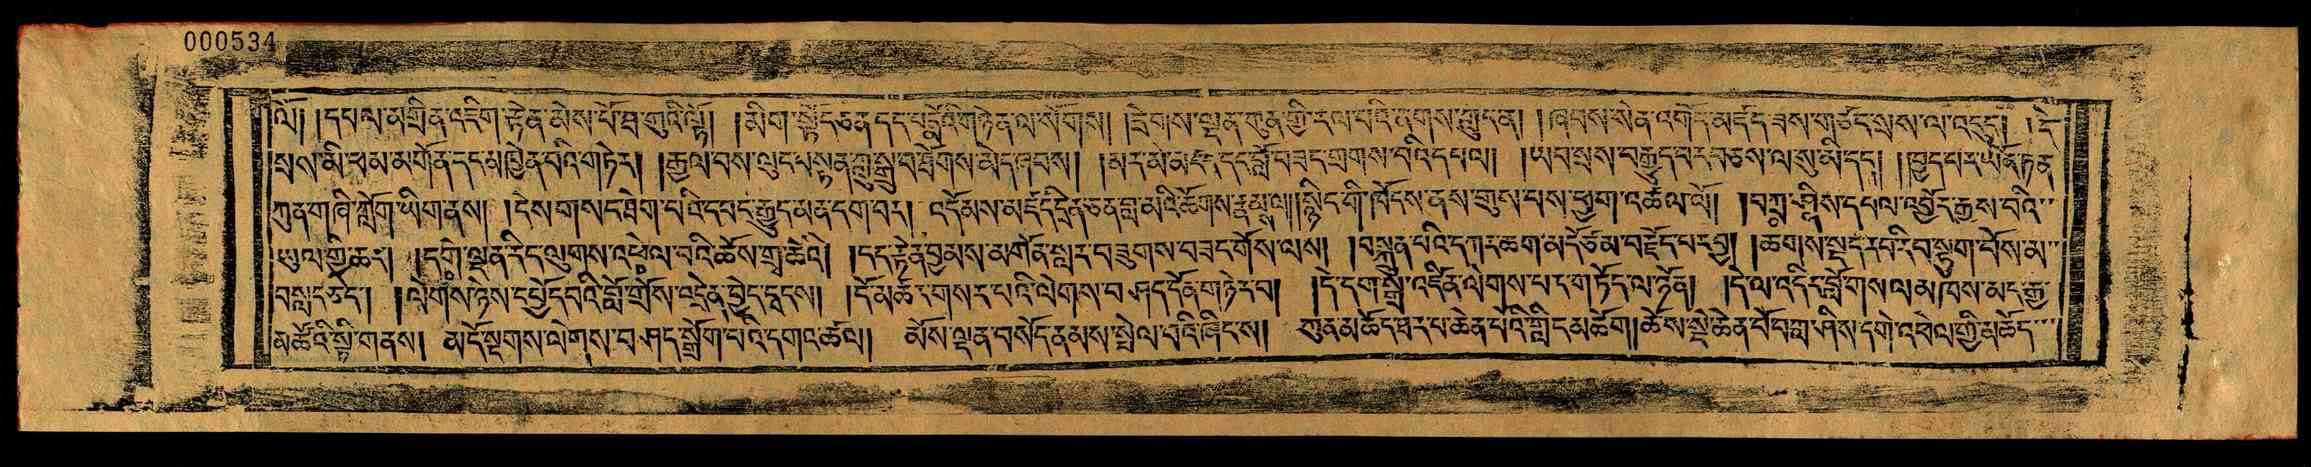ལོ། །དཔལ་མགྲིན་འཇིག་རྟེན་མེས་པོ་ཐ་གུའི་ལྟོ། །མིག་སྟོང་ཅན་དང་པདམོའི་གཉེན་ལ་སོགས། །དྲེགས་ལྡན་ཀུན་གྱི་རལ་པའི་ནགས་ཀླུང་ན། །ཞབས་སེན་འགོད་མཛད་ཟས་གཙང་སྲས་ལ་འདུད། །དེ་
སྲས་མི་ཕམ་མགོན་དང་མཁྱེན་བའི་གཏེར། །རྒྱལ་བས་ལུང་བསྟན་ཀླུ་སྒྲུབ་ཐོགས་མེད་ཞབས། །མར་མེ་མཛད་དང་བློ་བཟང་གྲགས་པའི་དཔལ། །ཡབ་སྲས་བརྒྱུད་པར་བཅས་ལ་སུ་མི་དད། །ཁྱད་པར་ཡོན་ཏན་
ཀུན་གཞི་ཀློག་ཡིག་ནས། །ངེས་གསང་ཐེག་པའི་དབང་རྒྱུད་མན་ངག་པར། །འདོམས་མཛད་དྲིན་ཅན་བླ་མའི་ཚོགས་རྣམས་ལ། །སྙིང་གི་ཁོངས་ནས་གུས་པས་ཕྱག་འཚལ་ལོ། །བཀྲ྾་ཤིས྾་དཔལ་འབྱོར་རྒྱས་པའི་
ཡུལ་གྱི་ཆར། །དགེ྾་ལྡན་རིང་ལུགས་འཕེལ྾་བའི་ཆོས་གྲྭ་ཆེའི། །དང་རྟེན་བྱམས་མགོན་སླར་གཟུགས་བཟང་གོས་ལས། །བསྐྲུན་པའི་དཀར་ཆག་མདོ་ཙམ་བརྗོད་པར་བྱ། །ཆགས་སྡང་རབ་རིབ་སྟུག་པོས་མ་
བསླད་ཅིང་། །ལེགས་ཉེས་དཔྱོད་བའི་བློ་གྲོས་འདྲེན་བྱེད་དྭངས། །ངོ་མཚར་གསར་པའི་ལེགས་བཤད་དོན་གཉེར་བ། །དེ་དག་སྒྲ་འཛིན་ལེགས་པར་གཏོད་ལ་ཉོན། །དེ་ལ་འདིར་བློ་གསལ་མཁས་མང་རྒྱ་
མཚོའི་སྟི་གནས། །མདོ་སྔགས་ལེགས་བཤད་སྒྲོག་པའི་དགའ་ཚལ། མོས་ལྡན་བསོད་ནམས་སྤེལ་བའི་ཞིང་ས། ཀུན་མཆོད་ཐར་པ་ཆེན་པོའི་གླིང་མ་ཆོག། །ཆོས་སྡེ་ཆེན་པོ་བཀྲ་ཤིས་དགེ་འཕེལ་གྱི་མཆོད་